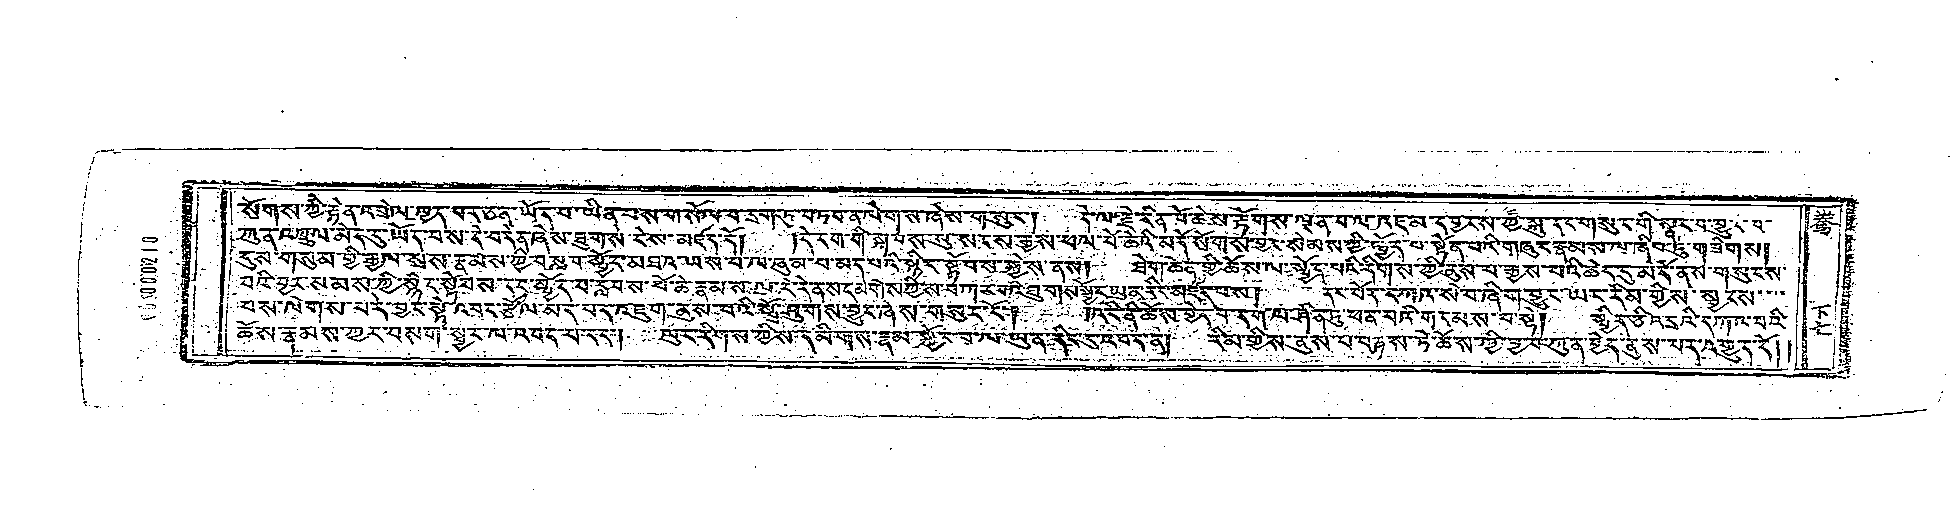སོགས་ཀྱི་རྟེན་འབྲེལ་ཁྱད་བར་ཅན་ཡོད་བ་ཡིན་པས་གསོལ་བ་དྲག་ཏུ་བཏབ་ན་ལེགས་ཞེས་གསུང་། །དེ་ལ་རྗེ་རིན་པོ་ཆེས་རྟོགས་ལྡན་པ་ལ་འཇམ་དབྱངས་ཀྱི་སྐུ་དང་གསུང་གི་སྣང་བ་བྱུང་བ་
ཀུན་འཁྲུལ་མེད་དུ་ཡོད་བས་དེ་བདེན་ཞེས་ཐུགས་ངེས་མཛད་དོ། །དེ་དག་གི་སྐབས་སུ་སངས་རྒྱས་ཕལ་བོ་ཆེའི་མདོ་སོགས་བྱང་སེམས་ཀྱི་སྤྱོད་བ་སྟོན་པའི་གཞུང་རྣམས་ལ་ཞིབ་ཏུ་གཟིགས།
དུས་གསུམ་གྱི་རྒྱལ་སྲས་རྣམས་ཀྱི་བསླབ་སྤྱོད་མཐའ་ཡས་བ་ལ་ཞུམ་བ་མེད་པའི་སྙིང་སྟོབས་སྐྱེས་ནས། ཐེག་ཆེན་གྱི་ཆོས་ལ་སྤྱོད་བའི་རིགས་ཀྱི་ནུས་བ་རྒྱས་པའི་ཆེད་དུ་མདོ་ནས་གསུངས་
བའི་བྱང་སེམས་ཀྱི་སྙིང་སྟོབས་དང་སྤྱོད་བ་རླབས་པོ་ཆེ་རྣམས་ལ་རེ་དེ་ནས་དམིགས་ཀྱིས་བཀར་བའི་ཐུགས་སྤྱོད་ཡུན་རིང་མཛད་པས། དང་བོར་དཀའ་སེ་བ་ཞིག་བྱུང་ཡང་རིམ་གྱིས་སྦྱངས་
བས་ལེགས་པར་བྱད་སྟེ་འབད་རྩོལ་མང་བར་འཇུག་ནུས་བའི་སྤྲོ་ཤུགས་བྱུང་ཞེས་གསུང་ངོ། །འདི་ནི་ཆོས་བྱེད་པ་དག་ལ་ཤིན་ཏུ་ཕན་པའི་གདམས་པ་སྟེ། སྤྱིར་ཅི་འདྲའི་དཀའ་བའི་
ཆོས་རྣམས་ཀྱང་བསག་སྦྱང་ལ་འབད་པ་དང་། ལུང་རིགས་ཀྱིས་དམིགས་རྣམ་སྐྱོང་བ་ལ་ཡུན་རིང་དུ་འབད་ན། རིམ་གྱིས་ནུས་པ་བརྟས་ཏེ་ཆོས་ཀྱི་བྱ་བ་ཀུན་བྱེད་ནུས་པར་འགྱུར་རོ། །